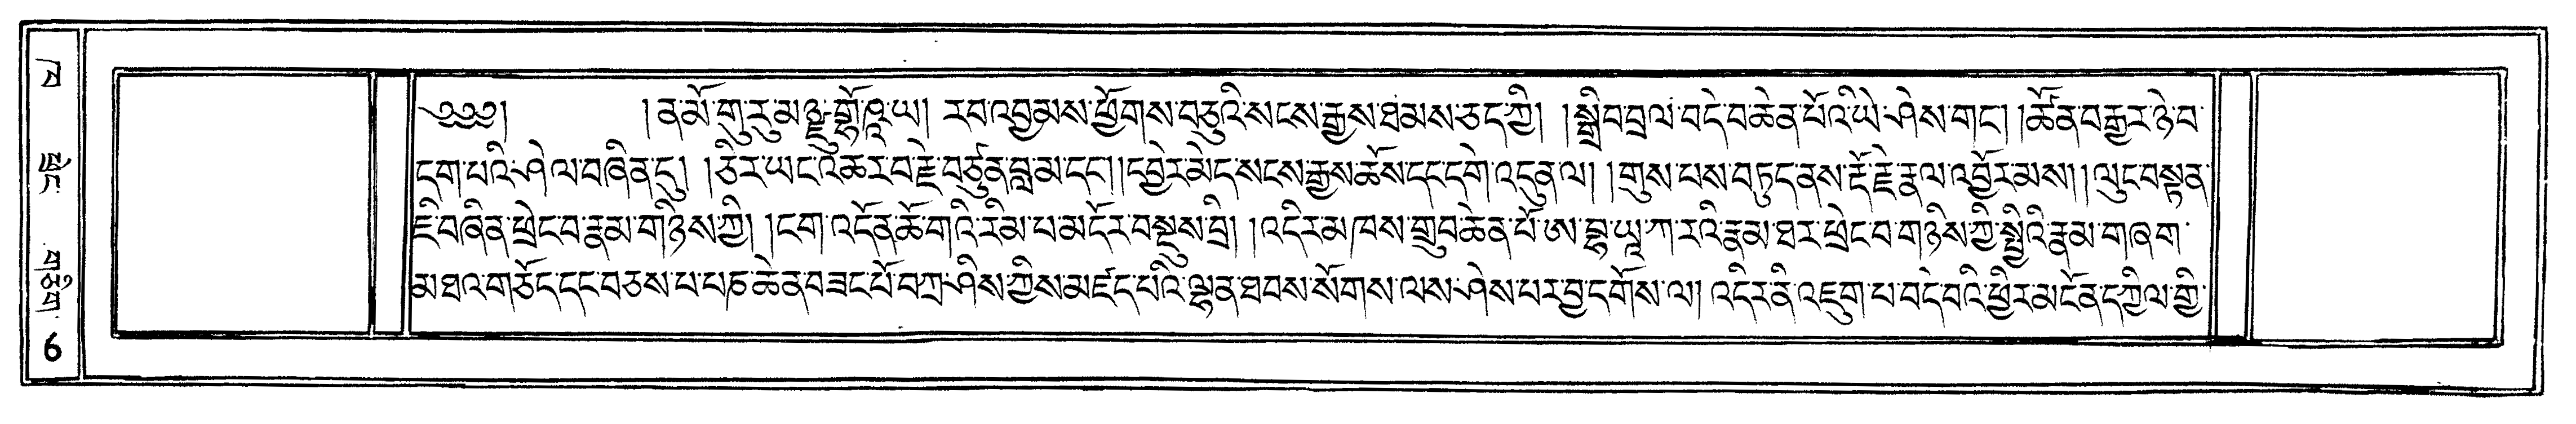༄༅༅། །ན་མོ་གུ་རུ་མཉྫུ་གྷོ་ཥཱ་ཡ། རབ་འབྱམས་ཕྱོགས་བཅུའི་སངས་རྒྱས་ཐམས་ཅད་ཀྱི། །སྒྲིབ་བྲལ་བདེ་བ་ཆེན་པོའི་ཡེ་ཤེས་གང་། །ཚོན་བརྒྱར་ཉེ་བ་
དག་པའི་ཤེལ་བཞིན་དུ། །ཅིར་ཡང་འཆར་བ་རྗེ་བཙུན་བླ་མ་དང་། །དབྱེར་མེད་སངས་རྒྱས་ཆོས་དང་དགེ་འདུན་ལ། །གུས་པས་བཏུད་ནས་རྡོ་རྗེ་རྣལ་འབྱོར་མས། །ལུང་བསྟན་
ཇི་བཞིན་ཕྲེང་བ་རྣམ་གཉིས་ཀྱི། །ངག་འདོན་ཆོ་གའི་རིམ་པ་མདོར་བསྡུས་བྲི། །འདིར་མཁས་གྲུབ་ཆེན་པོ་ཨ་བྷ་ཡཱ་ཀ་རའི་རྣམ་ཐར་ཕྲེང་བ་གཉིས་ཀྱི་སྤྱིའི་རྣམ་གཞག་
མཐའ་གཅོད་དང་བཅས་པ་པཎ་ཆེན་བཟང་པོ་བཀྲ་ཤིས་ཀྱིས་མཛད་པའི་ལྷན་ཐབས་སོགས་ལས་ཤེས་པར་བྱ་དགོས་ལ། འདིར་ནི་འཇུག་པ་བདེ་བའི་ཕྱིར་མངོན་དཀྱིལ་གྱི་